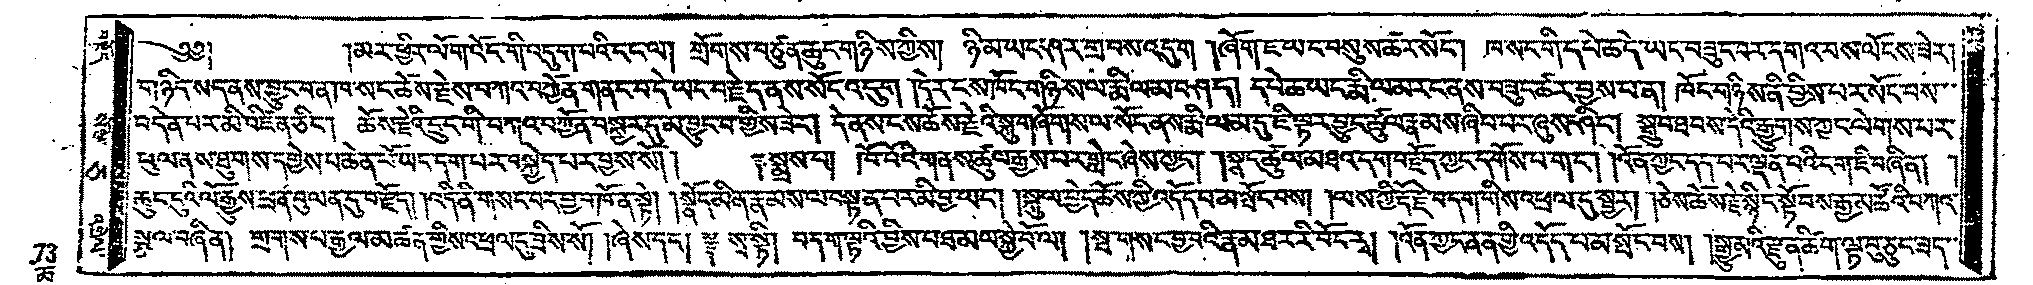༄༅། །མར་ཕྱིར་ལོག་འོང་གི་འདུག་པའི་ངང་ལ། གྲོགས་བཙུན་ཆུང་གཉིས་ཀྱིས། ཉི་མ་ཡང་ཤར་གྲབས་འདུག །ཞོག་ཇ་ཡང་བསུས་ཚར་སོང་། ཁ་སང་གི་དཔེ་ཆ་དེ་ཡང་བཟུང་བར་དགའ་བས་ལོངས་ཟེར།
གཉིད་སད་ནས་བྱུང་བ་ན་ཁ་སང་ཆོས་རྗེས་བཀའ་བཀྱོན་གནང་བ་དེ་ཡང་བརྗེད་ནས་སོང་འདུག །དེར་ངས་ཁོང་གཉིས་ལ་རྨི་ལམ་བཤད། དཔེ་ཆ་ཡང་རྨི་ལམ་རང་ནས་བཟུང་ཚར་བྱས་པ་ན། ཁོང་གཉིས་ནི་བྱིས་པར་སོང་བས་
བདེན་པར་མི་འཛིན་ཅིང་། ཆོས་རྗེའི་དྲུང་གི་བཀའ་བཀྱོན་བསྐྱར་དུ་མ་བྱུང་བ་གྱིས་ཟེར། དེ་ནས་ངས་ཆོས་རྗེའི་སྐུ་གཞོགས་ལ་སོང་ནས་རྨི་ལམ་དུ་ཇི་ལྟར་བྱུང་ཚུལ་རྣམས་ཞིབ་པར་ཞུས་ཤིང་། སྒྲུབ་ཐབས་དེའི་རྒྱུགས་ཀྱང་ལེགས་པར་
ཕུལ་ནས་ཐུགས་དགྱེས་པ་ཆེན་པོ་ཡང་དག་པར་བསྐྱེད་པར་བྱས་སོ།། ༈ སྨྲས་པ། ཁོ་བོའི་གནས་ཚུལ་རྒྱས་པར་གླེང་ཞེས་ཀྱང་། །སྣང་ཚུལ་མཐའ་དག་བརྗོད་ཀྱང་དགོས་པ་གང་། །འོན་ཀྱང་དད་པར་ལྡན་པའི་ངག་ཇི་བཞིན། །
ཆུང་ངུའི་ལོ་རྒྱུས་ཕྲན་བུ་ལན་དུ་བརྗོད། །འདི་ནི་གསང་བར་བྱ་བ་ཁོ་ན་སྟེ། །སྣོད་མིན་རྣམས་ལ་བསྟན་པར་མི་བྱ་ཡང་། །སྐུལ་བྱེད་ཆོས་ཀྱི་འདོད་པ་མ་སྤོང་བས། །ལས་ཀྱི་རྡོ་རྗེ་བདག་གིས་འཕྲལ་དུ་སྦྱར། །ཅེས་ཆོས་རྗེ་སྙིང་སྟོབས་རྒྱ་མཚོའི་བཀའ་
སྩལ་བཞིན། གྲགས་པ་རྒྱལ་མཚན་གྱིས་འཕྲལ་དུ་བྲིས་སོ། །ཞེས་དང་། ༈ སྭ་སྟི། བདག་ལྟའི་བྱིས་པ་ཐ་མལ་སྐྱེ་བོ་ལ། །སྦ་གསང་བྱ་བའི་རྣམ་ཐར་རི་བོང་རྭ། །འོན་ཀྱང་ནན་གྱི་འདོད་པ་མ་སྤོང་བས། །སྒྱུ་མའི་རྫུན་ཚིག་ལྟ་བུ་ཅུང་ཟད་